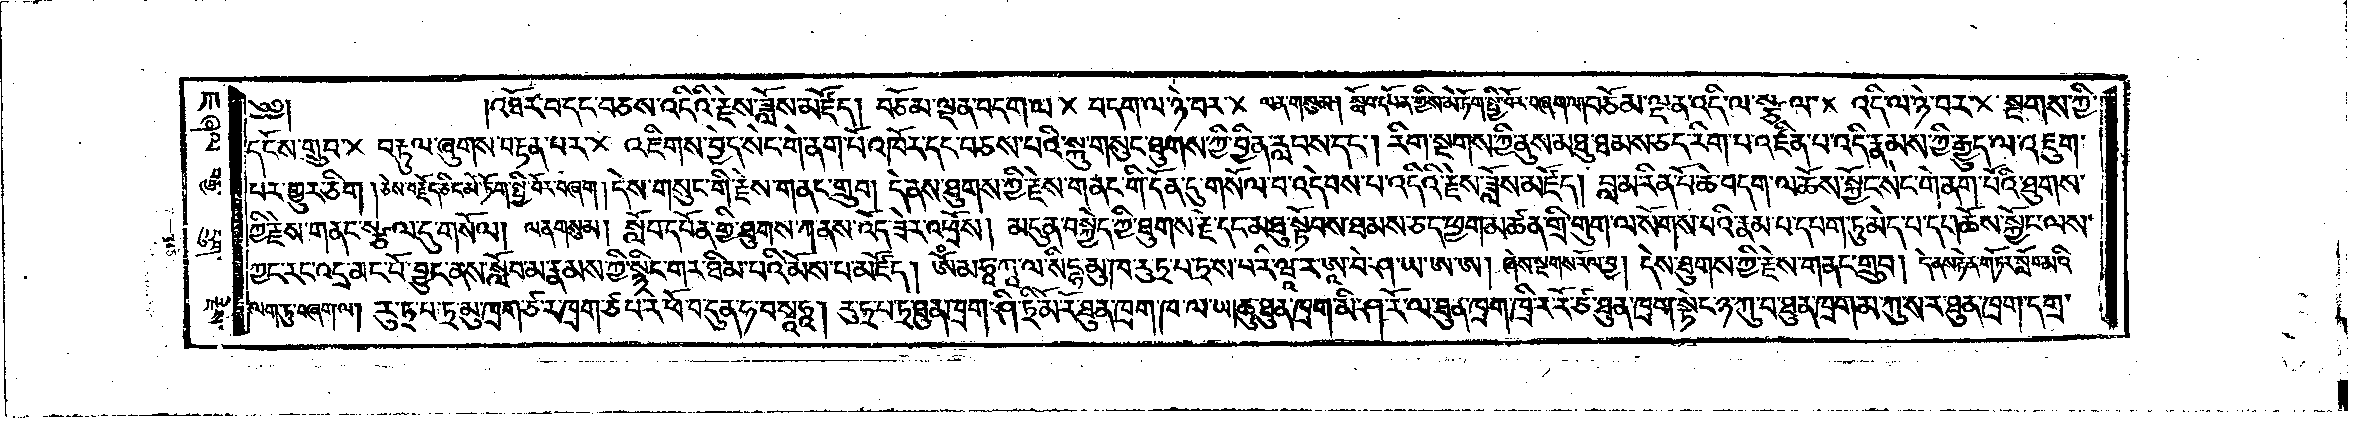༄༅། །འཐོར་པ་དང་བཅས་འདིའི་རྗེས་ཟློས་མཛོད། བཅོམ་ལྡན་བདག་ལ་྾་བདག་ལ་ཉེ་བར་྾་ལན་གསུམ། སློབ་དཔོན་གྱིས་མེ་ཏོག་སྤྱི་བོར་བཞག་ལ།  བཅོམ་ལྡན་འདི་ལ་སྩལ་྾་འདི་ལ་ཉེ་བར་྾་སྔགས་ཀྱི་
དངོས་གྲུབ་྾་བརྟུལ་ཞུགས་བརྟན་པར་྾་འཇིགས་བྱེད་སེང་གེ་ནག་པོ་འཁོར་དང་བཅས་པའི་སྐུ་གསུང་ཐུགས་ཀྱི་བྱིན་རླབས་དང་། རིག་སྔགས་ཀྱི་ནུས་མཐུ་ཐམས་ཅད་རིག་པ་འཛིན་པ་འདི་རྣམས་ཀྱི་རྒྱུད་ལ་འཇུག་
པར་གྱུར་ཅིག་།ཅེས་བརྗོད་ཅིང་མེ་ཏོག་སྤྱི་བོར་བཞག །  དེས་གསུང་གི་རྗེས་གནང་གྲུབ། དེ་ནས་ཐུགས་ཀྱི་རྗེས་གནང་གི་དོན་དུ་གསོལ་བ་འདེབས་པ་འདིའི་རྗེས་ཟློས་མཛོད། བླ་མ་རིན་པོ་ཆེ་བདག་ལ་ཆོས་སྐྱོང་སེང་གེ་ནག་པོའི་ཐུགས་
ཀྱི་རྗེས་གནང་སྩལ་དུ་གསོལ། ལན་གསུམ།  སློབ་དཔོན་གྱི་ཐུགས་ཀ་ནས་འོད་ཟེར་འཕྲོས། མདུན་བསྐྱེད་ཀྱི་ཐུགས་རྗེ་དང་མཐུ་སྟོབས་ཐམས་ཅད་ཕྱག་མཚན་གིར་གུག་ལ་སོགས་པའི་རྣམ་པ་དཔག་ཏུ་མེད་པ་དག་ཆོས་སྐྱོང་ལས་
ཀྱང་རང་འདྲ་མང་པོ་བྱུང་ནས་སློབ་མ་རྣམས་ཀྱི་སྙིང་གར་ཐིམ་པའི་མོས་པ་མཛོད། ཨོཾ་མཧཱ་ཀཱ་ལ་སིདྷ་མུ་ཁ་རུ་ཏྲ་པ་ཏྲ་ས་པ་ར་ཝཱ་ར་ཨཱ་བེ་ཤ་ཡ་ཨ་ཨ། ཞེས་སྔགས་རོལ་བྱ།  དེས་ཐུགས་ཀྱི་རྗེས་གནང་གྲུབ། དེ་ནས་རྟེན་གཏོར་སློབ་མ་དི་
ལག་ཏུ་བཞག་ལ། རུ་ཏྲ་བ་ཏྲ་མུ་ཁྲག་ཙ་ར་ཁྲག་ཙ་པ་རེ་ཕོ་བདུན་ཧ་བ་སྭཱཧཱ། རུ་ཏྲ་པ་ཏྲ་ཐུན་ཁྲག་ཤི་ཏྲི་མོ་རོ་ཐུན་ཁྲག་ཁ་ལ་ཨ། ཆུ་ཐུན་ཁྲག་མི་ཤ་རོ་ལ་ཐུན་ཁྲག་ཁྲིར་རོ་ཙ་ཐུན་ཁྲག་སྟེང་ཉ་ཀུ་བ་ཐུན་ཁྲག་མ་ཀུ་ས་ར་ཐུན་ཁྲག་དགྲ་